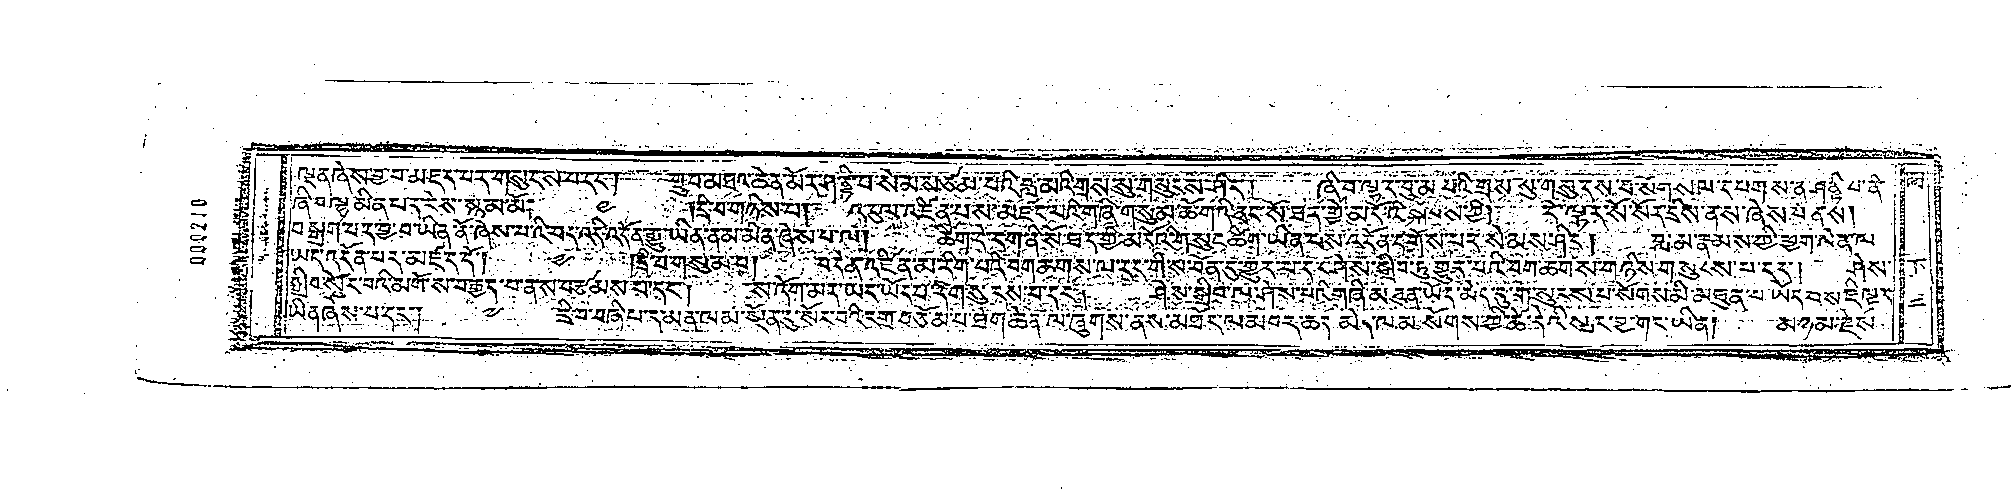ལྡན་ཞེས་བྱ་བ་མཛད་པར་གསུངས་པ་དང་། གྲུབ་མཐའ་ཆེན་མོར་ཤནྟི་པ་སེམས་ཙམ་པའི་བླ་མའི་གྲས་སུ་གསུངས་ཤིང་། ཞི་བ་ལྷ་དབུ་མ་པའི་གྲས་སུ་གསུངས་པ་སོགས་ལ་དཔགས་ན་ཤནྟི་པ་ནི་
ཞི་བ་ལྷ་མིན་པར་ངེས་སྙམ་མོ། ༧་།དྲི་བ་གཉིས་པ། འདུལ་འཛིན་པས་མཛད་པའི་གཞི་གསུམ་ཆོ་གའི་ནང་སོ་ཐར་གྱི་མདོའི་སྐབས་ཀྱི། དེ་ལྟར་སོ་སོར་དྲིས་ནས་ཞེས་པ་ནས།
བསྒྲག་པར་བྱ་བ་ཡིན་ནོ་ཞེས་པའི་བར་འདི་འདོན་རྒྱུ་ཡིན་ནམ་མིན་ཞེས་པ་ལ། ཚིག་དེ་དག་ནི་སོ་ཐར་གྱི་མངོའི་གསུང་ཚིག་ཡིན་པས་འདོན་དགོས་པར་སེམས་ཤིང་། བླ་མ་རྣམས་ཀྱི་ཕྱག་ལེན་ལ་
ཡང་འདོན་པར་མཛད་དོ། ༧་།དྲི་བ་གསུམ་པ། བདེན་འཛིན་མ་རིག་པའི་བག་ཆགས་ལ་རང་གི་ས་བོན་དུ་གྱུར་པ་དང་ཤེས་སྒྲིབ་ཏུ་གྱུར་པའི་བག་ཆགས་གཉིས་གསུངས་པ་དང་། ཤེས་
སྒྲིབ་སྤོང་བའི་མགོ་ས་བརྒྱད་པ་ནས་བརྩམས་པ་དང་། ས་འོག་མར་ཡང་ཡོད་པ་རི་གསུངས་པ་དང་། ཤེས་སྒྲིབ་ལ་ཤེས་པའི་གཞི་མཐུན་ཡོད་མེད་དུ་གསུངས་པ་སོགས་མི་མཐུན་པ་ཡོང་བས་ཇི་ལྟར་
ཡིན་ཞེས་པ་དང་། ༧་དྲི་བཞི་པ་དམན་ལམ་སྔོན་དུ་སོང་བའི་དགྲ་བཅོམ་པ་ཐེག་ཆེན་ལ་ཞུགས་ནས་མཐོང་ལམ་བར་ཆད་མེད་ལམ་སོགས་ཀྱི་ཚེ་དེའི་སྤང་བྱ་གང་ཡིན། མཉམ་རྗེས་